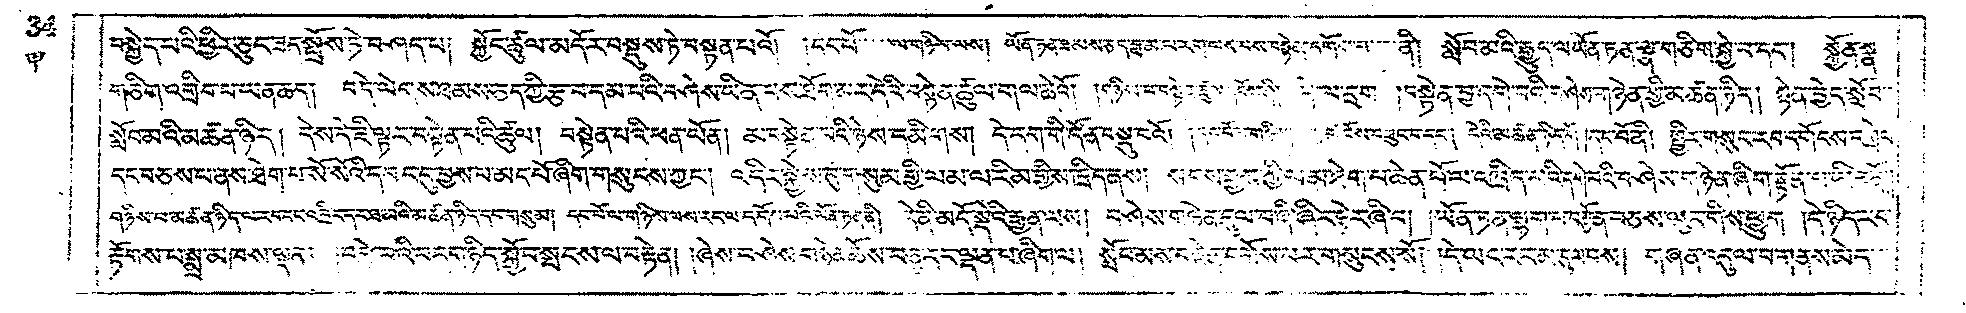བསྐྱེད་པའི་ཕྱིར་ཅུང་ཟད་སྤྲོས་ཏེ་བཤད་པ། སྐྱོང་ཚུལ་མདོར་བསྡུས་ཏེ་བསྟན་པའོ། །དང་པོལ་གཉིས་ལས། ཡོན་ཏན་ཐམས་ཅད་བླ་མ་ལ་རག་ལས་པས་བསྟེན་དགོས་པནི། སློབ་མའི་རྒྱུད་ལ་ཡོན་ཏན་སྣ་གཅིག་སྐྱེ་བ་དང་། སྐྱོན་སྣ་
གཅིག་འགྲིབ་པ་ཡན་ཆད། བདེ་ལེགས་ཐམས་ཅད་ཀྱི་རྩ་བ་དམ་པའི་བཤེས་ཡིན་པས་ཐོག་མར་དེའི་བསྟེན་ཚུལ་གལ་ཆེའོ། གཉིས་པ་བསྟེན་ཚུལ་དངོས་ནི། དེ་ལ་དྲུག་།བསྟེན་བྱ་དགེ་བའི་བཤེས་གཉེན་གྱི་མཚན་ཉིད། སྟེན་བྱེད་སློབ་
སློབ་མའི་མཚན་ཉིད། དེས་དེ་ཇི་ལྟར་བསྟེན་པའི་ཚུལ། བསྟེན་པའི་ཕན་ཡོན། མ་བསྟེན་པའི་ཉེས་དམིགས། དེ་དག་གི་དོན་བསྡུ་བའོ། ། དང་པོ་ལ་གཉིས། བླ་མ་ངོས་བཟུང་བ་དང་། དེའི་མཚན་ཉིད་དོ། །དང་པོ་ནི། སྤྱིར་གསུང་རབ་དགོངས་འགྲེལ་
དང་བཅས་པ་ནས་ཐེག་པ་སོ་སོའི་དབང་དུ་བྱས་པ་མང་པོ་ཞིག་གསུངས་ཀྱང་། འདིར་སྐྱེས་བུ་གསུམ་གྱི་ལམ་ལ་རིམ་གྱིས་ཁྲིད་ནས། སངས་རྒྱས་ཀྱི་ལམ་ཐེག་པ་ཆེན་པོ་ལ་འཁྲིད་པའི་དགེ་བའི་བཤེས་གཉེན་ཞིག་སྟོན་པ་ཡིན་ནོ།།
གཉིས་པ་མཚན་ཉིད་ལ་རབ་དང་འབྲིང་དང་ཐ་མའི་མཚན་ཉིད་དང་གསུམ། དང་པོ་ལ་གཉིས་ལས་རང་ལ་དགོས་པའི་ཡོན་ཏན་ནི། དེ་ནི་མདོ་སྡེའི་རྒྱན་ལས། བཤེས་གཉེན་དུ་ལ་བཞི་ཞིང་ཉེར་ཞི་བ། །ཡོན་ཏན་ལྷག་པ་བརྩོན་བཅས་ལུང་གིས་ཕྱུག། དེ་ཉིད་རབ་
རྟོགས་པ་སྨྲ་མཁས་ལྡན། །བརྩེ་བའི་བདག་ཉིད་སྐྱོ་བ་སྤངས་ལ་བརྟེན། །ཞེས་བཤེས་གཉེན་ཆོས་བཅུ་དང་ལྡན་པ་ཞིག་ལ། སློབ་མས་བརྟེན་དགོས་པར་གསུངས་སོ། །དེ་ཡང་རང་མ་དུལ་བས། གཞན་འདུལ་བ་གནས་མེད་